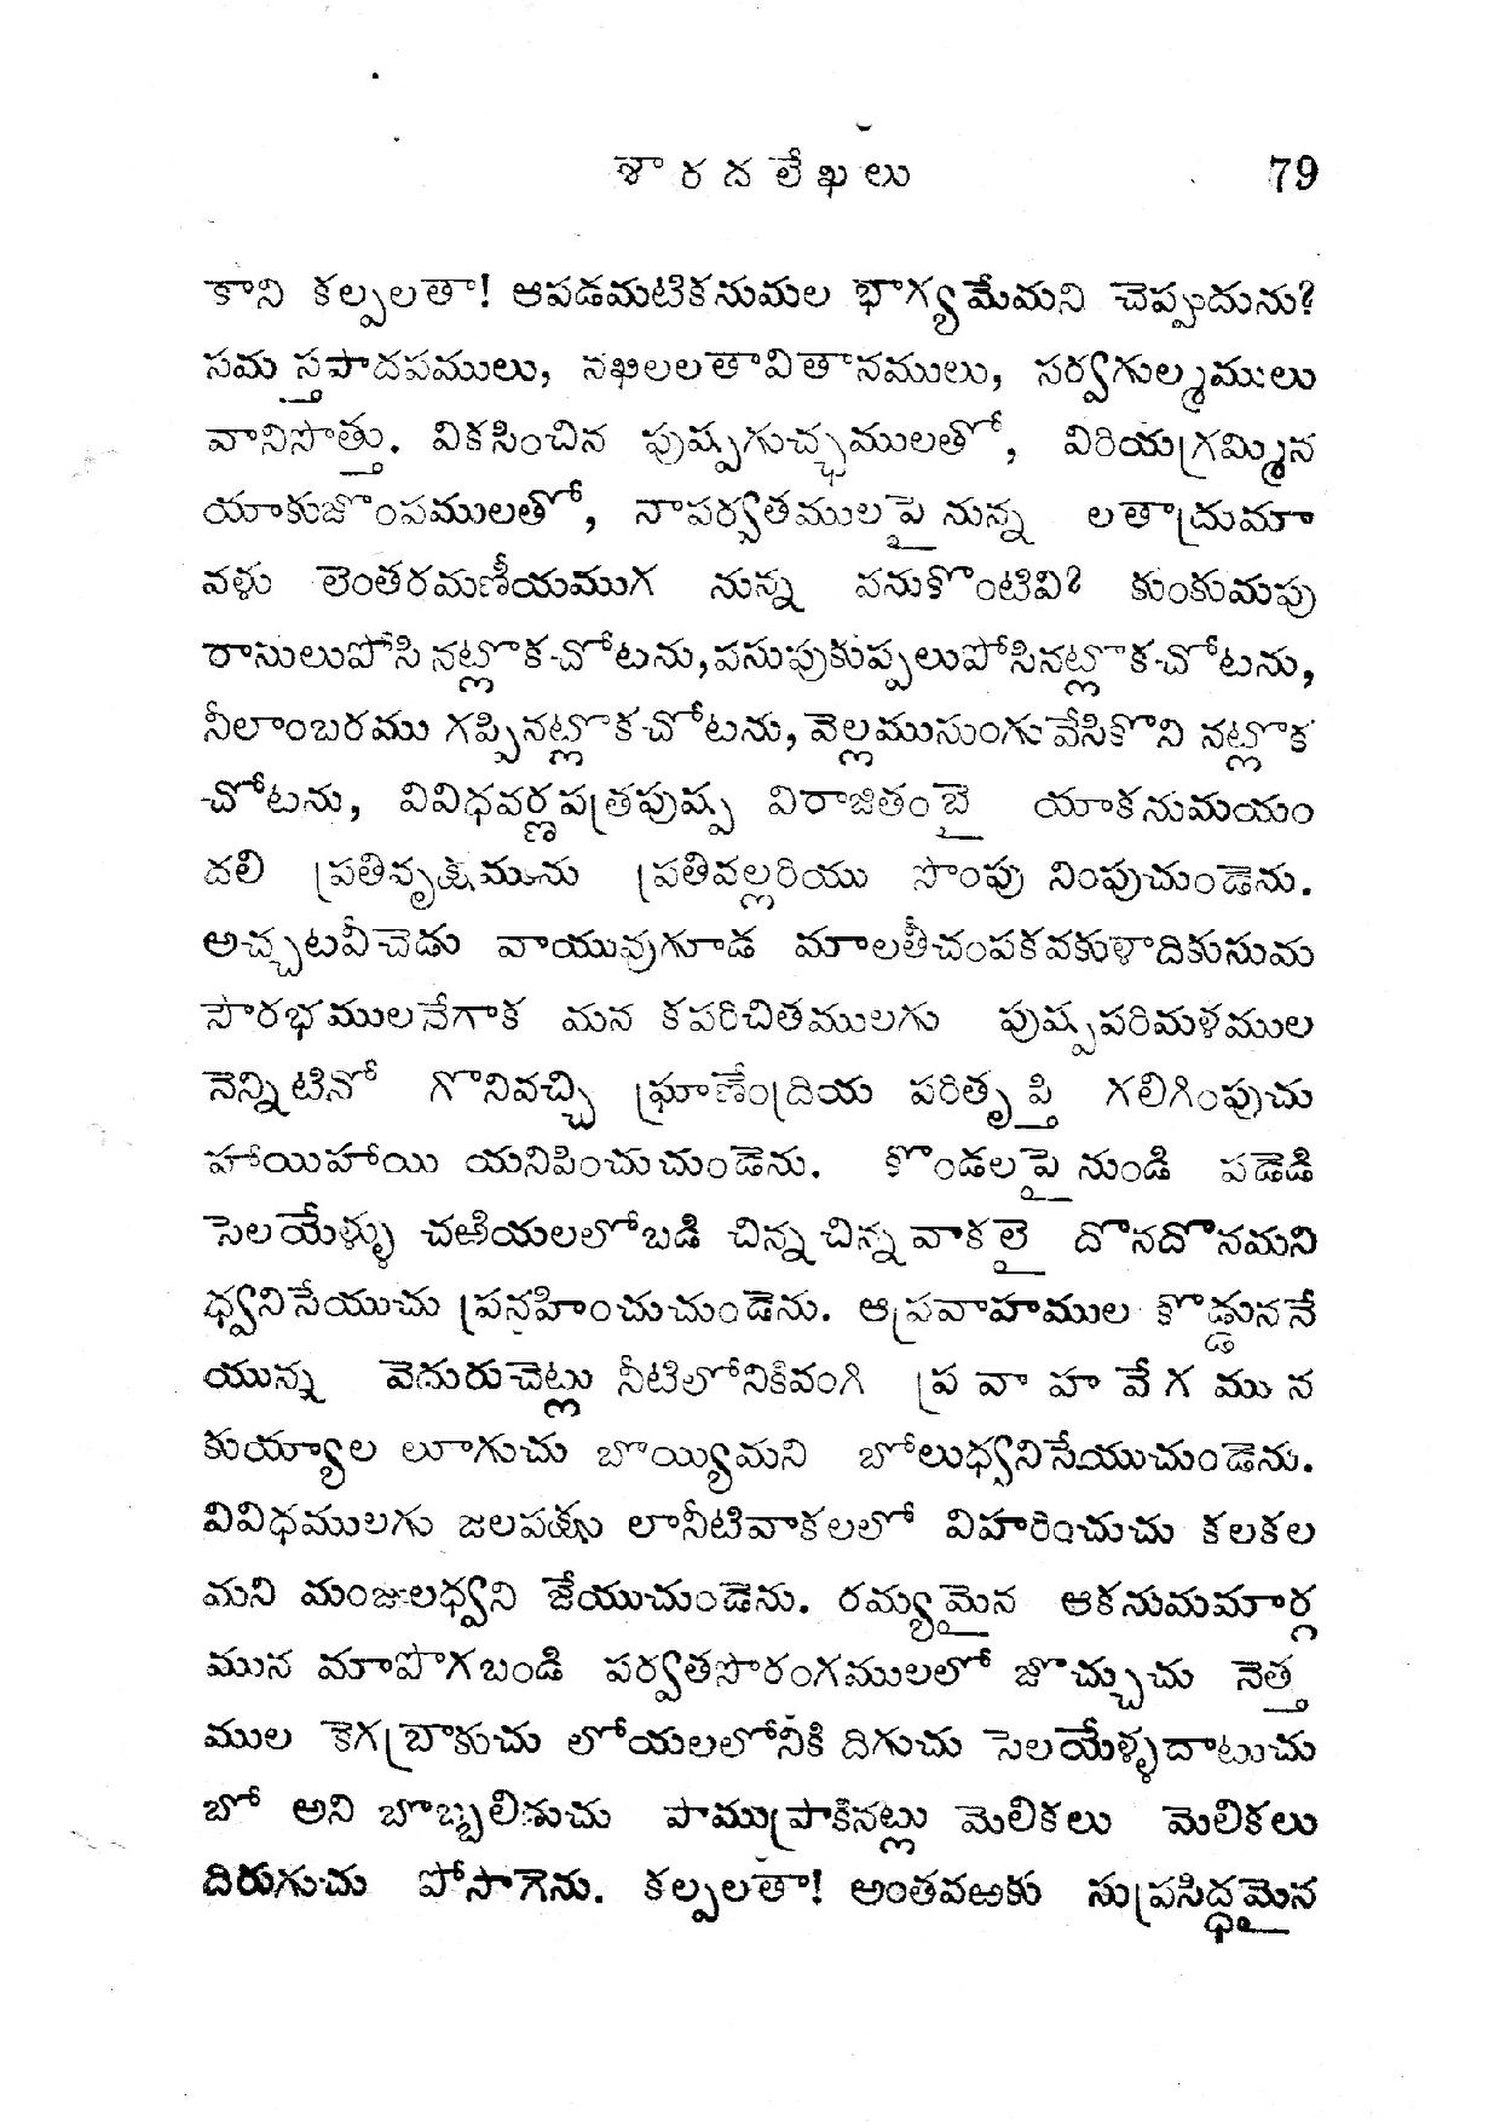కాని కల్పలతా! ఆపడమటికనుమల భాగ్యమేమని చెప్పుదును? సమస్తపాదపములు, నఖిలలతావితానములు, సర్వగుల్మములు వానిసొత్తు. వికసించిన పుష్పగుచ్ఛములతో, విరియగ్రమ్మిన
యాకుజొంపములతో, నాపర్వతములపై నున్న లతాద్రుమావళు లెంతరమణీయముగ నున్న వనుకొంటివి? కుంకుమపు రాసులుపోసినట్లొకచోటను, పసుపుకుప్పలుపోసినట్లొకచోటను, నీలాంబరము గప్పినట్లొకచోటను, వెల్లముసుంగువేసికొని నట్లొకచోటను, వివిధవర్ణపత్రపుష్ప విరాజితంబై యాకనుమయందలి ప్రతివృక్షమును ప్రతివల్లరియు సొంపు నింపుచుండెను. అచ్చటవీచెడు వాయువుగూడ మాలతీచంపకవకుళాదికుసుమ
సౌరభములనేగాక మన కపరిచితములగు పుష్పపరిమళముల నెన్నిటినో గొనివచ్చి ఘ్రాణేంద్రియ పరితృప్తి గలిగింపుచు హాయిహాయి యనిపించుచుండెను. కొండలపైనుండి పడెడి సెలయేళ్ళు చఱియలలోబడి చిన్న చిన్నవాకలై దొనదొనమని ధ్వనిసేయుచు ప్రవహించుచుండెను. ఆప్రవాహముల కొడ్డుననే యున్న వెదురుచెట్లు నీటిలోనికివంగి ప్రవాహవేగమున కుయ్యాల లూగుచు బొయ్యిమని బోలుధ్వనిసేయుచుండెను. వివిధములగు జలపక్షు లానీటివాకలలో విహరించుచు కలకలమని మంజులధ్వని జేయుచుండెను. రమ్యమైన ఆకనుమమార్గమున మాపొగబండి పర్వతసొరంగములలో జొచ్చుచు నెత్తముల కెగబ్రాకుచు లోయలలోనికి దిగుచు సెలయేళ్ళదాటుచు బో అని బొబ్బలిడుచు పాముప్రాకినట్లు మెలికలు మెలికలు దిరుగుచు పోసాగెను. కల్పలతా! అంతవఱకు సుప్రసిద్ధమైన